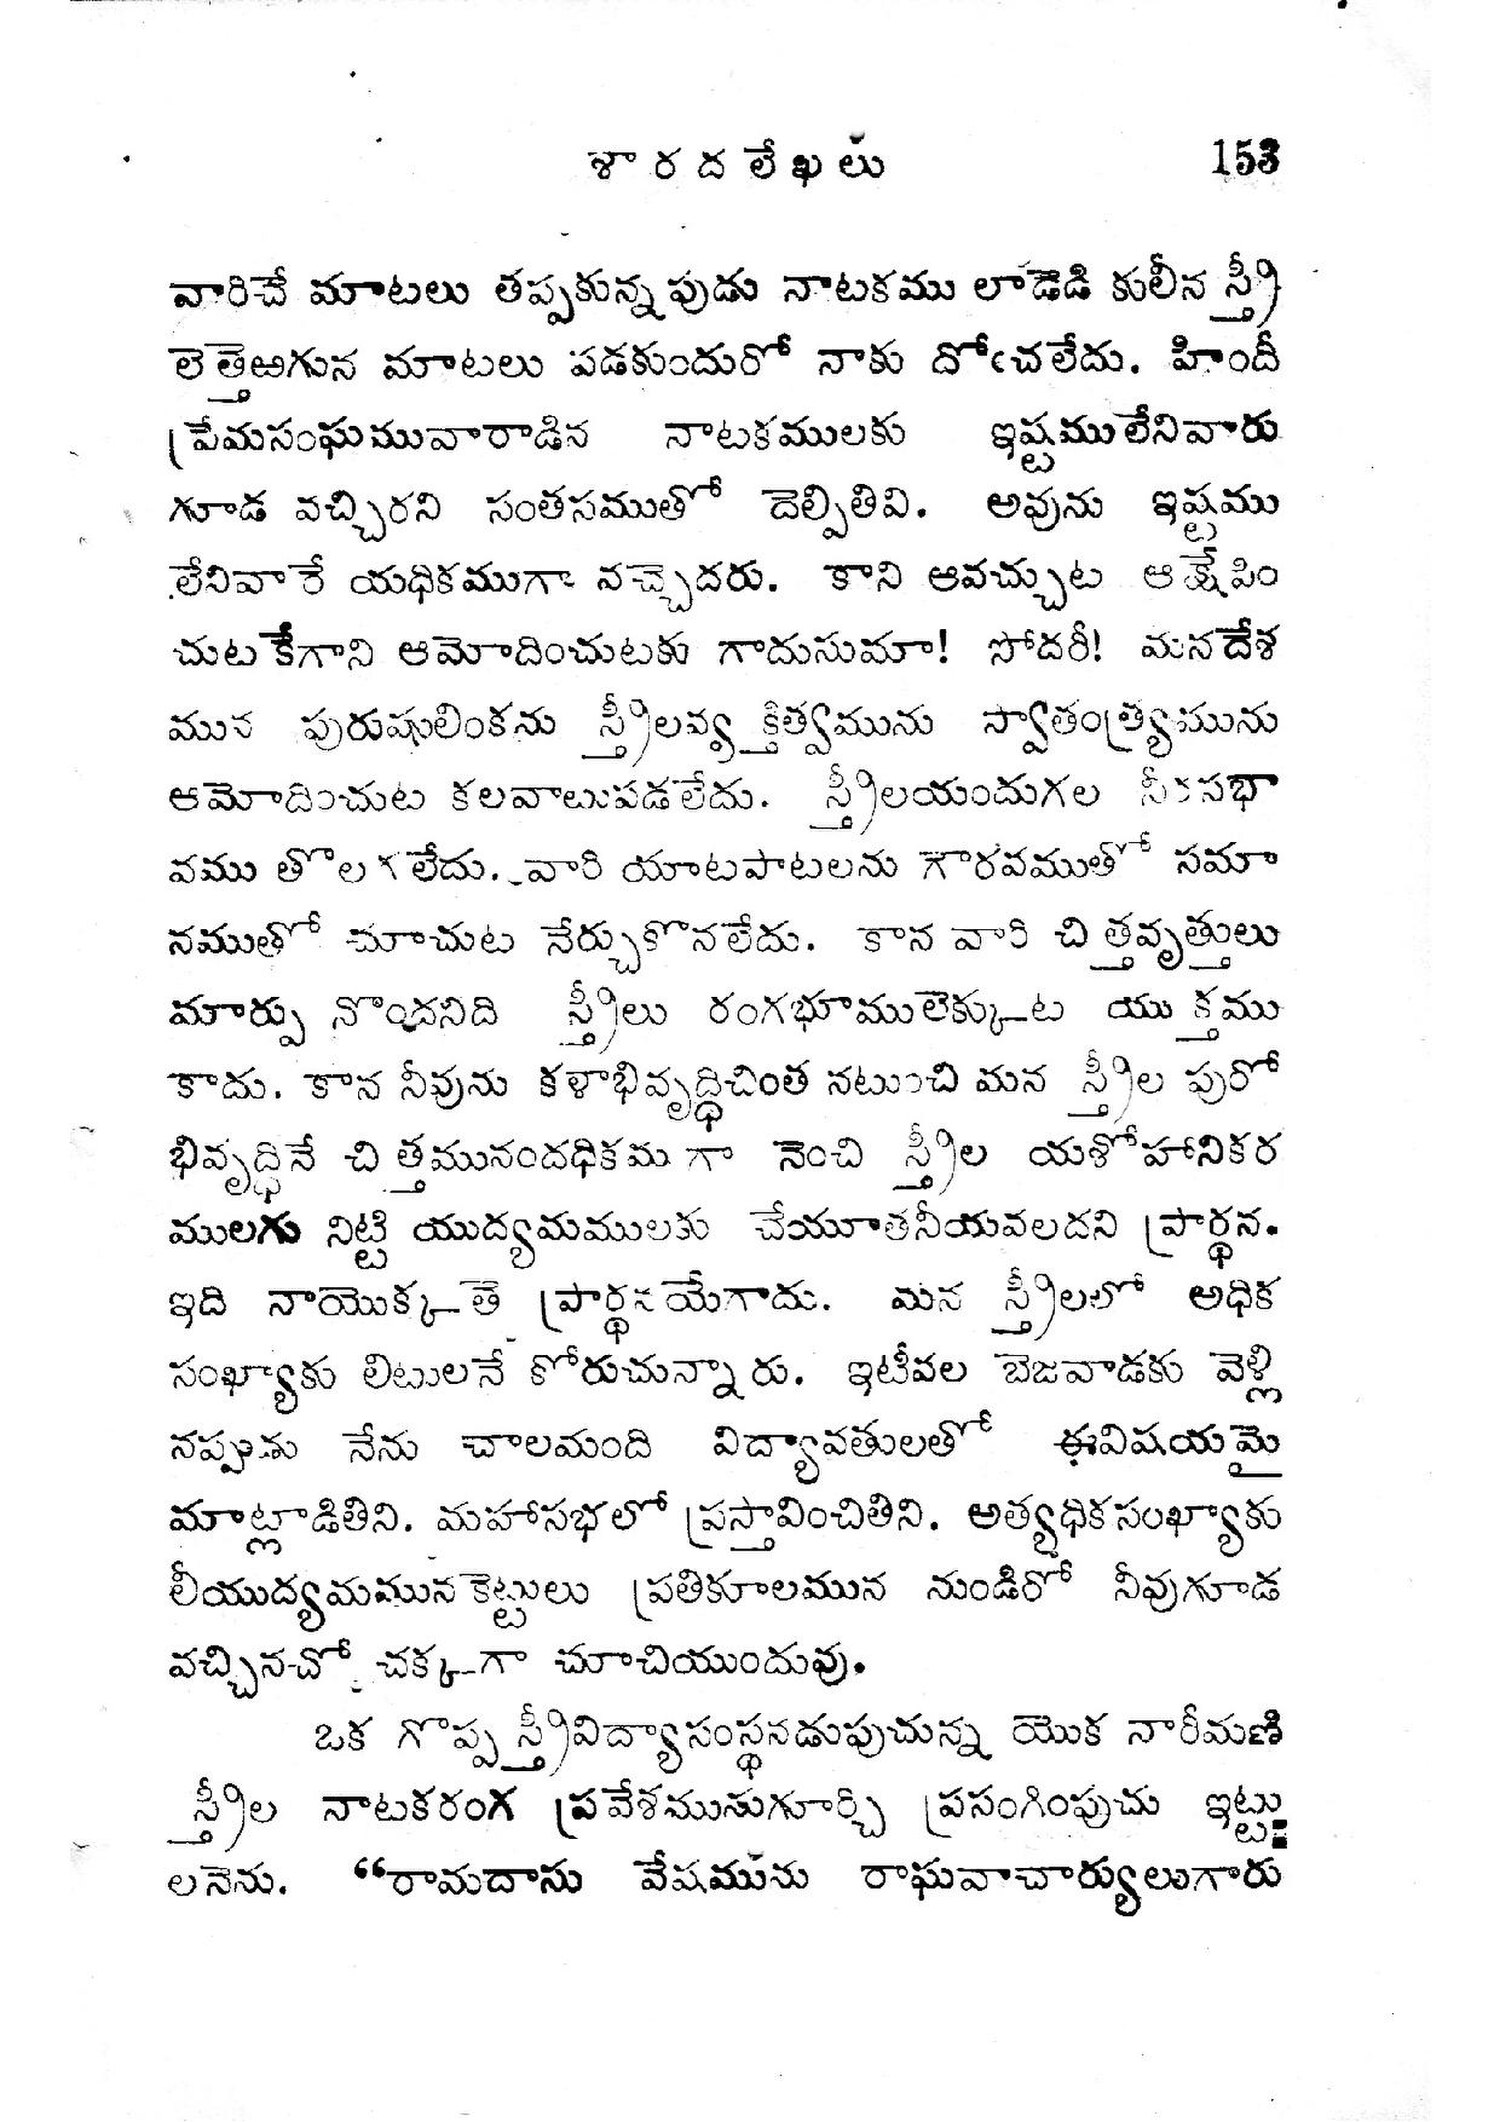వారిచే మాటలు తప్పకున్నపుడు నాటకము లాడెడి కులీనస్త్రీలెత్తెఱగున మాటలు పడకుందురో నాకు దోఁచలేదు. హిందీప్రేమసంఘమువారాడిన నాటకములకు ఇష్టములేనివారు గూడ వచ్చిరని సంతసముతో దెల్పితివి. అవును ఇష్టములేనివారే యధికముగా వచ్చెదరు. కాని ఆవచ్చుట ఆక్షేపించుటకేగాని ఆమోదించుటకు గాదుసుమా! సోదరీ! మన దేశమున పురుషులింకను స్త్రీలవ్యక్తిత్వమును స్వాతంత్ర్యమును
ఆమోదించుట కలవాటుపడలేదు. స్త్రీలయందుగల నీరసభావము తొలగలేదు. వారి యాటపాటలను గౌరవముతో సమానముతో చూచుట నేర్చుకొనలేదు. కాన వారి చిత్తవృత్తులు మార్పు నొందనిది స్త్రీలు రంగభూములెక్కుట యుక్తముకాదు. కాన నీవును కళాభివృద్ధిచింత నటుంచి మన స్త్రీల పురోభివృద్ధినే చిత్తమునందధికమగా నెంచి స్త్రీల యశోహానికరములగు నిట్టి యుద్యమములకు చేయూతనీయవలదని ప్రార్థన. ఇది నాయొక్కతె ప్రార్థనయేగాదు. మన స్త్రీలలో అధికసంఖ్యాకు లిటులనే కోరుచున్నారు. ఇటీవల బెజవాడకు వెళ్లినప్పుడు నేను చాలమంది విద్యావతులతో ఈవిషయమై మాట్లాడితిని. మహాసభలో ప్రస్తావించితిని. అత్యధికసంఖ్యాకు లీయుద్యమమునకెట్టులు ప్రతికూలమున నుండిరో నీవుగూడ వచ్చినచో చక్కగా చూచియుందువు.

ఒక గొప్పస్త్రీవిద్యాసంస్థనడుపుచున్న యొక నారీమణి స్త్రీల నాటకరంగ ప్రవేశమునుగూర్చి ప్రసంగింపుచు ఇట్టు లనెను. "రామదాసు వేషమును రాఘవాచార్యులుగారు